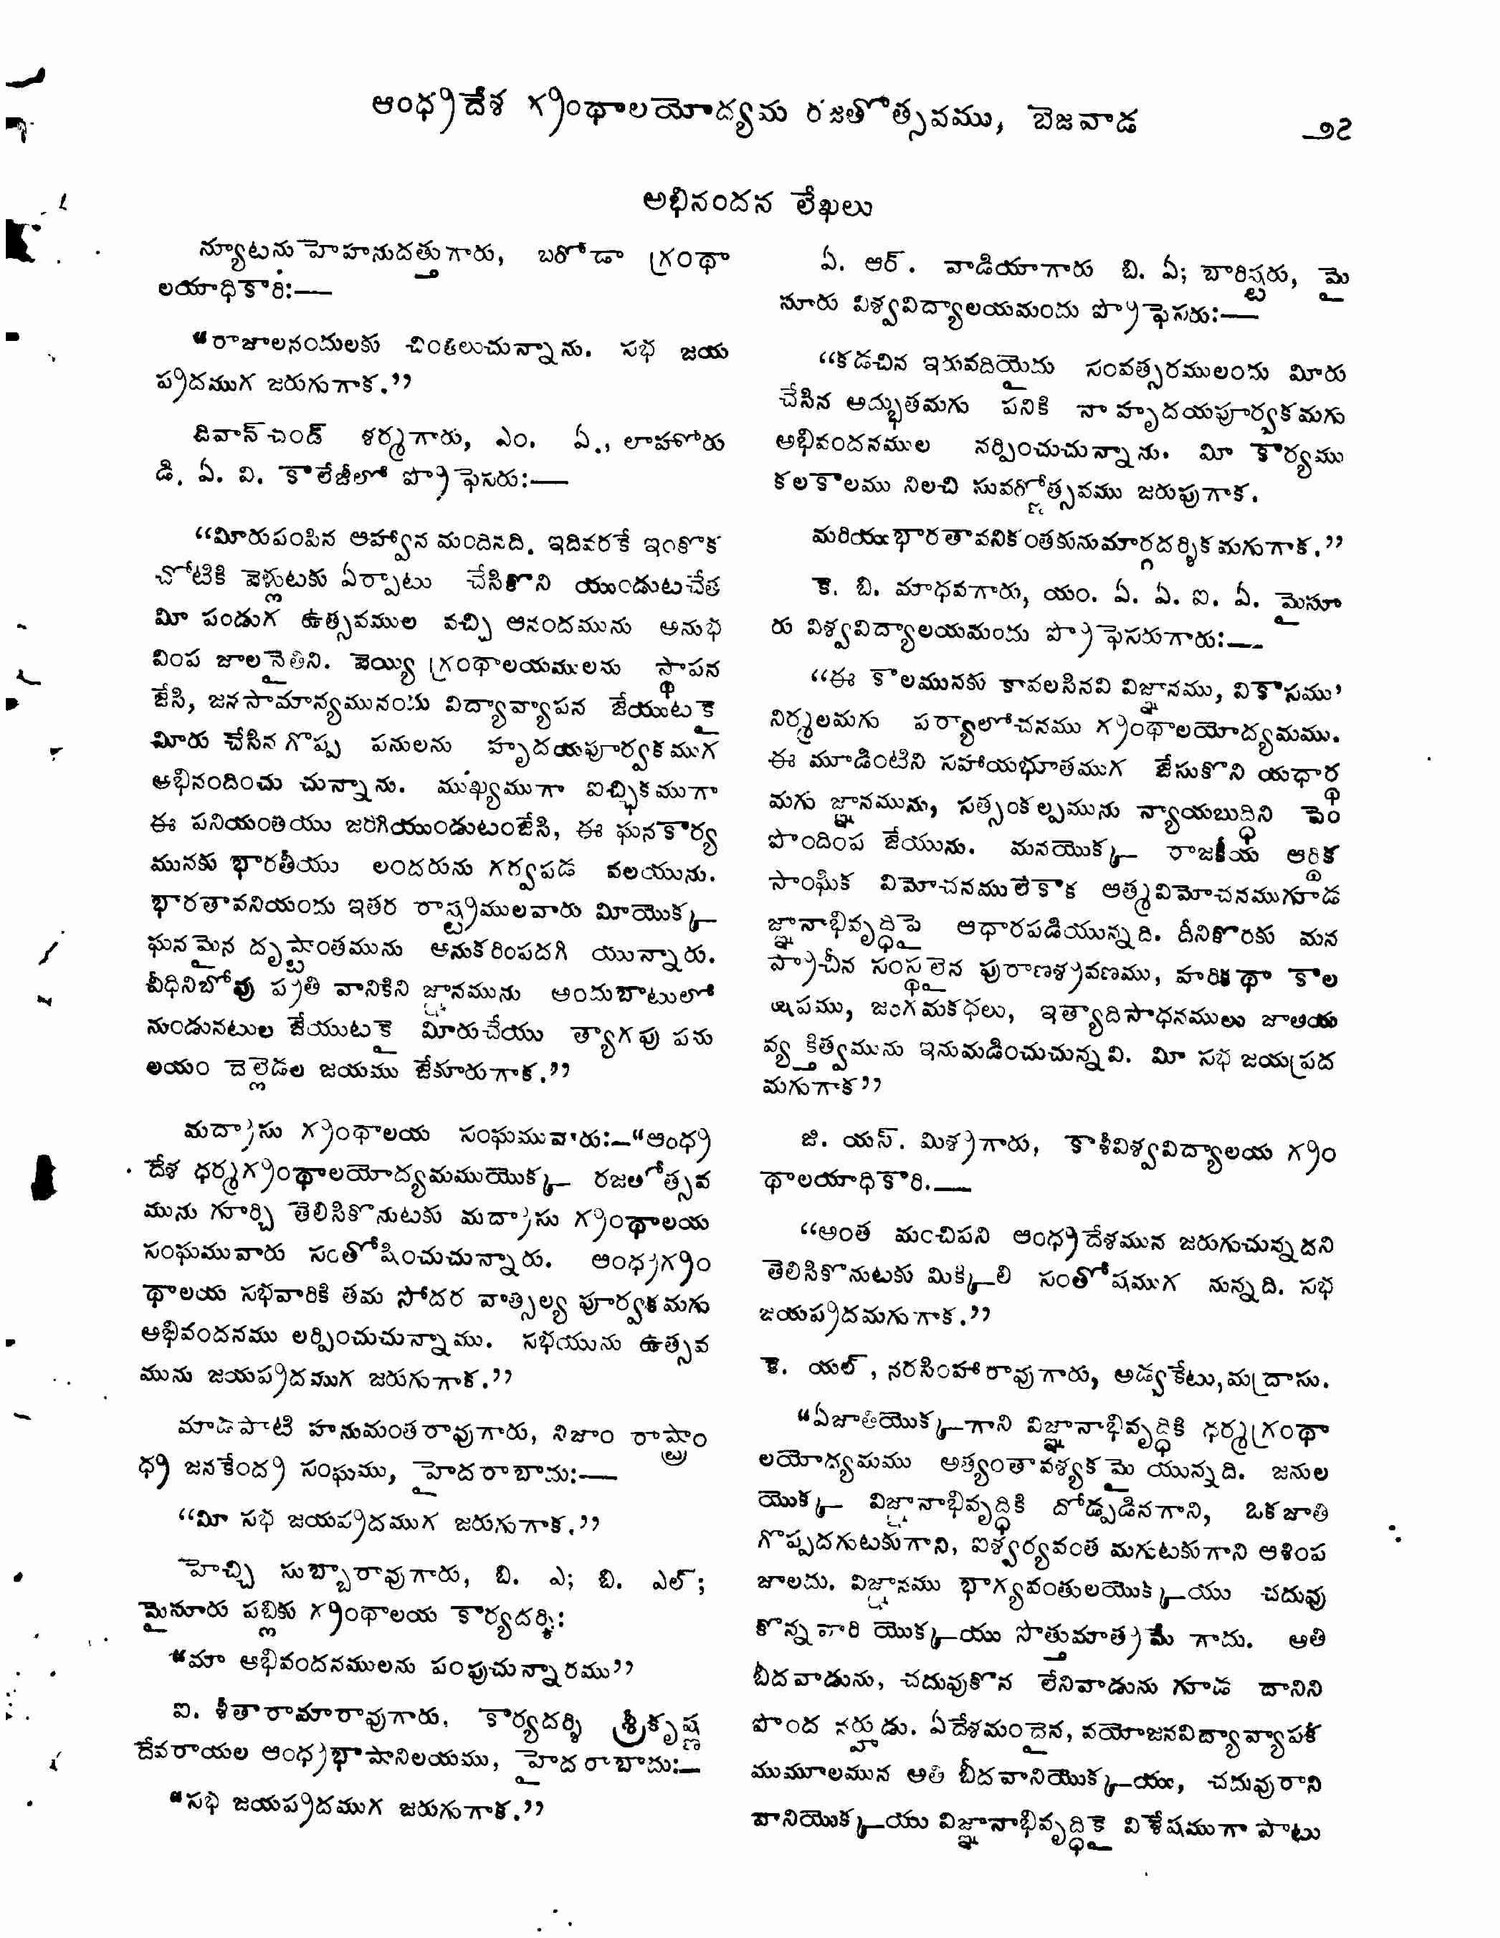న్యూటను హెహనుదత్తు గారు, బరోడా గ్రంథాలయాధికారి:౼

"రాజాలనందులకు చింతలుచున్నాను. సభ జయప్రదముగ జరుగు గాక”.

దివాన్ చెండ్ శర్మగారు, ఎం. ఏ., లాహోరు డి, ఏ. వి. కాలేజీలో ప్రొఫెసరు:౼
-
“మీరుపంపిన ఆహ్వాన మందినది. ఇదివరకే ఇంకొక చోటికి వెళుటకు ఏర్పాటు చేసికొని యుండుటచేత మీ పండుగ ఉత్సవములు 
వచ్చి ఆనందమును అనుభవింప జాలనైతిని. చెయ్యి గ్రంథాలయములను స్థాపన జేసి, జనసామాన్యమునందు విద్యావ్యాపన 
జేయుటకై మీరు చేసిన గొప్ప పనులను హృదయపూర్వకముగ అభినందించు చున్నాను. ముఖ్యముగా ఐచ్ఛికముగా ఈ పనియంతియు జరిగియుండుటంజేసి, ఈ ఘన కార్యమునకు భారతీయులందరును గర్వపడ వలయును. భారతావనియందు ఇతర రాష్ట్రములవారు మీయొక్క ఘనమైన దృష్టాంతమును అనుకరింపదగి యున్నారు. వీధినిబోవు ప్రతి వానికిని జ్ఞానమును అందుబాటులో నుండునటుల జేయుటకె మీరు చేయు త్యాగపు పనులయం దెల్లడల జయము జేకూరు గాక". 

మద్రాసు గ్రంథాలయ సంఘము వారు:- "ఆంధ్రదేశ ధర్మగ్రంథాలయోద్యమము యొక్క రజతోత్సవమును గూర్చి తెలిసికొనుటకు 
మదాసు గ్రంథాలయ సంఘమువారు సంతోషించుచున్నారు. అంధ గ్రంథాలయ సభవారికి తమ సోదర వాత్సల్య పూర్వక మగు
అభివందనము అర్పించుచున్నాము. సభయును ఉత్సవమును జయప్రదముగ జరుగుగాక”.

మాడపాటి హనుమంతరావు గారు, నిజాం రాష్ట్రంధ్ర జనకేంద్ర సంఘము, హైదరాబాదు:-

“మీ సభ జయప్రదము గ జరుగు గాక”

హెచ్చి సుబ్బారావు గారు, బి.ఎ; బి.ఎల్; మైసూరు పబ్లికు గ్రంథాలయ కార్యదర్శి:

"మా అభివందనములను పంపుచున్నారము”

ఐ. శీతారామారావుగారు, కార్యదర్శి శ్రీకృష్ణదేవరాయల ఆంధ్ర భాషానిలయము, హైదరాబాదు:-

"సభ జయప్రదముగ జరుగుగాక”

ఏ. ఆర్. వాడియాగారు బి.ఏ; బారిస్టరు, మైసూరు విశ్వవిద్యాలయమందు ప్రొఫెసరు:

"కడచిన ఇరువదియైదు సంవత్సరములందు మీరు చేసిన అద్భుతమగు పనికి నా హృదయపూర్వకమగు అభివందనముల నర్పించుచున్నాను. మీ కార్యము కలకాలము నిలచి సువర్ణోత్సవము జరుపుగాక.

మరియు భారతావనికంతకును మార్గదర్శికమగుగాక”

కె. బి. మాధవగారు, యం. ఏ. ఏ. ఐ. ఏ. మైసూరు విశ్వవిద్యాలయమందు పొఫెసరుగారు:—-
“ఈ కాలమునకు కావలసినవి విజానము, వికాసము' నిర్మలమగు పర్యాలోచనము గ్రంథాలయోద్యమము. ఈ మూడింటిని సహాయభూతముగ జేసుకొని యధార్థమగు జ్ఞానమును, సత్సంకల్పమును న్యాయబుద్ధిని పెంపొందింప జేయును. మనయొక్క రాజకీయ ఆర్ధిక సాంఘిక విమోచనము లే కాక ఆత్మవిమోచనము గూడ జ్ఞానాభివృద్ధిపై ఆధారపడియున్నది. దీనికొరకు మన ప్రాచీన సంస్థలైన పురాణశ్రవణము, హరికథా కాలక్షపము, జంగమకధలు, ఇత్యాది సాధనములు జాతీయ వ్యక్తిత్వమును ఇనుమడించుచున్నవి. మీ సభ జయప్రద మగుగాక?

జి. యస్. మిశ్రగారు, కాశీవిశ్వవిద్యాలయ గ్రంథాలయాధికారి:౼

“అంత మంచిపని ఆంధ్ర దేశమున జరుగుచున్నదని తెలిసికొనుటకు మిక్కిలి సంతోషముగ నున్నది. సభ జయప్రదమగు గాక”

కె. యల్, నరసింహారావు గారు, అడ్వకేటు, మద్రాసు.

"ఏజాతియొక్క గాని విజ్ఞానాభివృద్ధికి ధర్మగ్రంథాలయోద్యమము అత్యంతావశ్యకమై యున్నది. జనుల యొక్క విజ్ఞానాభివృద్ధికి దోడ్పడిన గాని, ఒక జాతి గొప్పదగుటకు గాని, ఐశ్వర్యవంత మగుటకు గాని ఆశింపజాలదు, విజ్ఞానము భాగ్యవంతులయొక్కయు చదువు
కొన్నవారి యొక్కయు సొత్తుమాత్రమే గాదు. అతి బీదవాడును, చదువుకొన లేనివాడును గూడ దానిని పొంద నర్హుడు. ఏదేశమందైన, వయోజనవిద్యా వ్యాపకముమూలమున అతి బీద వానియొక్కయు, చదువురాని వానియొక్కయు విజ్ఞానాభివృద్ధికై విశేషముగా పాటు